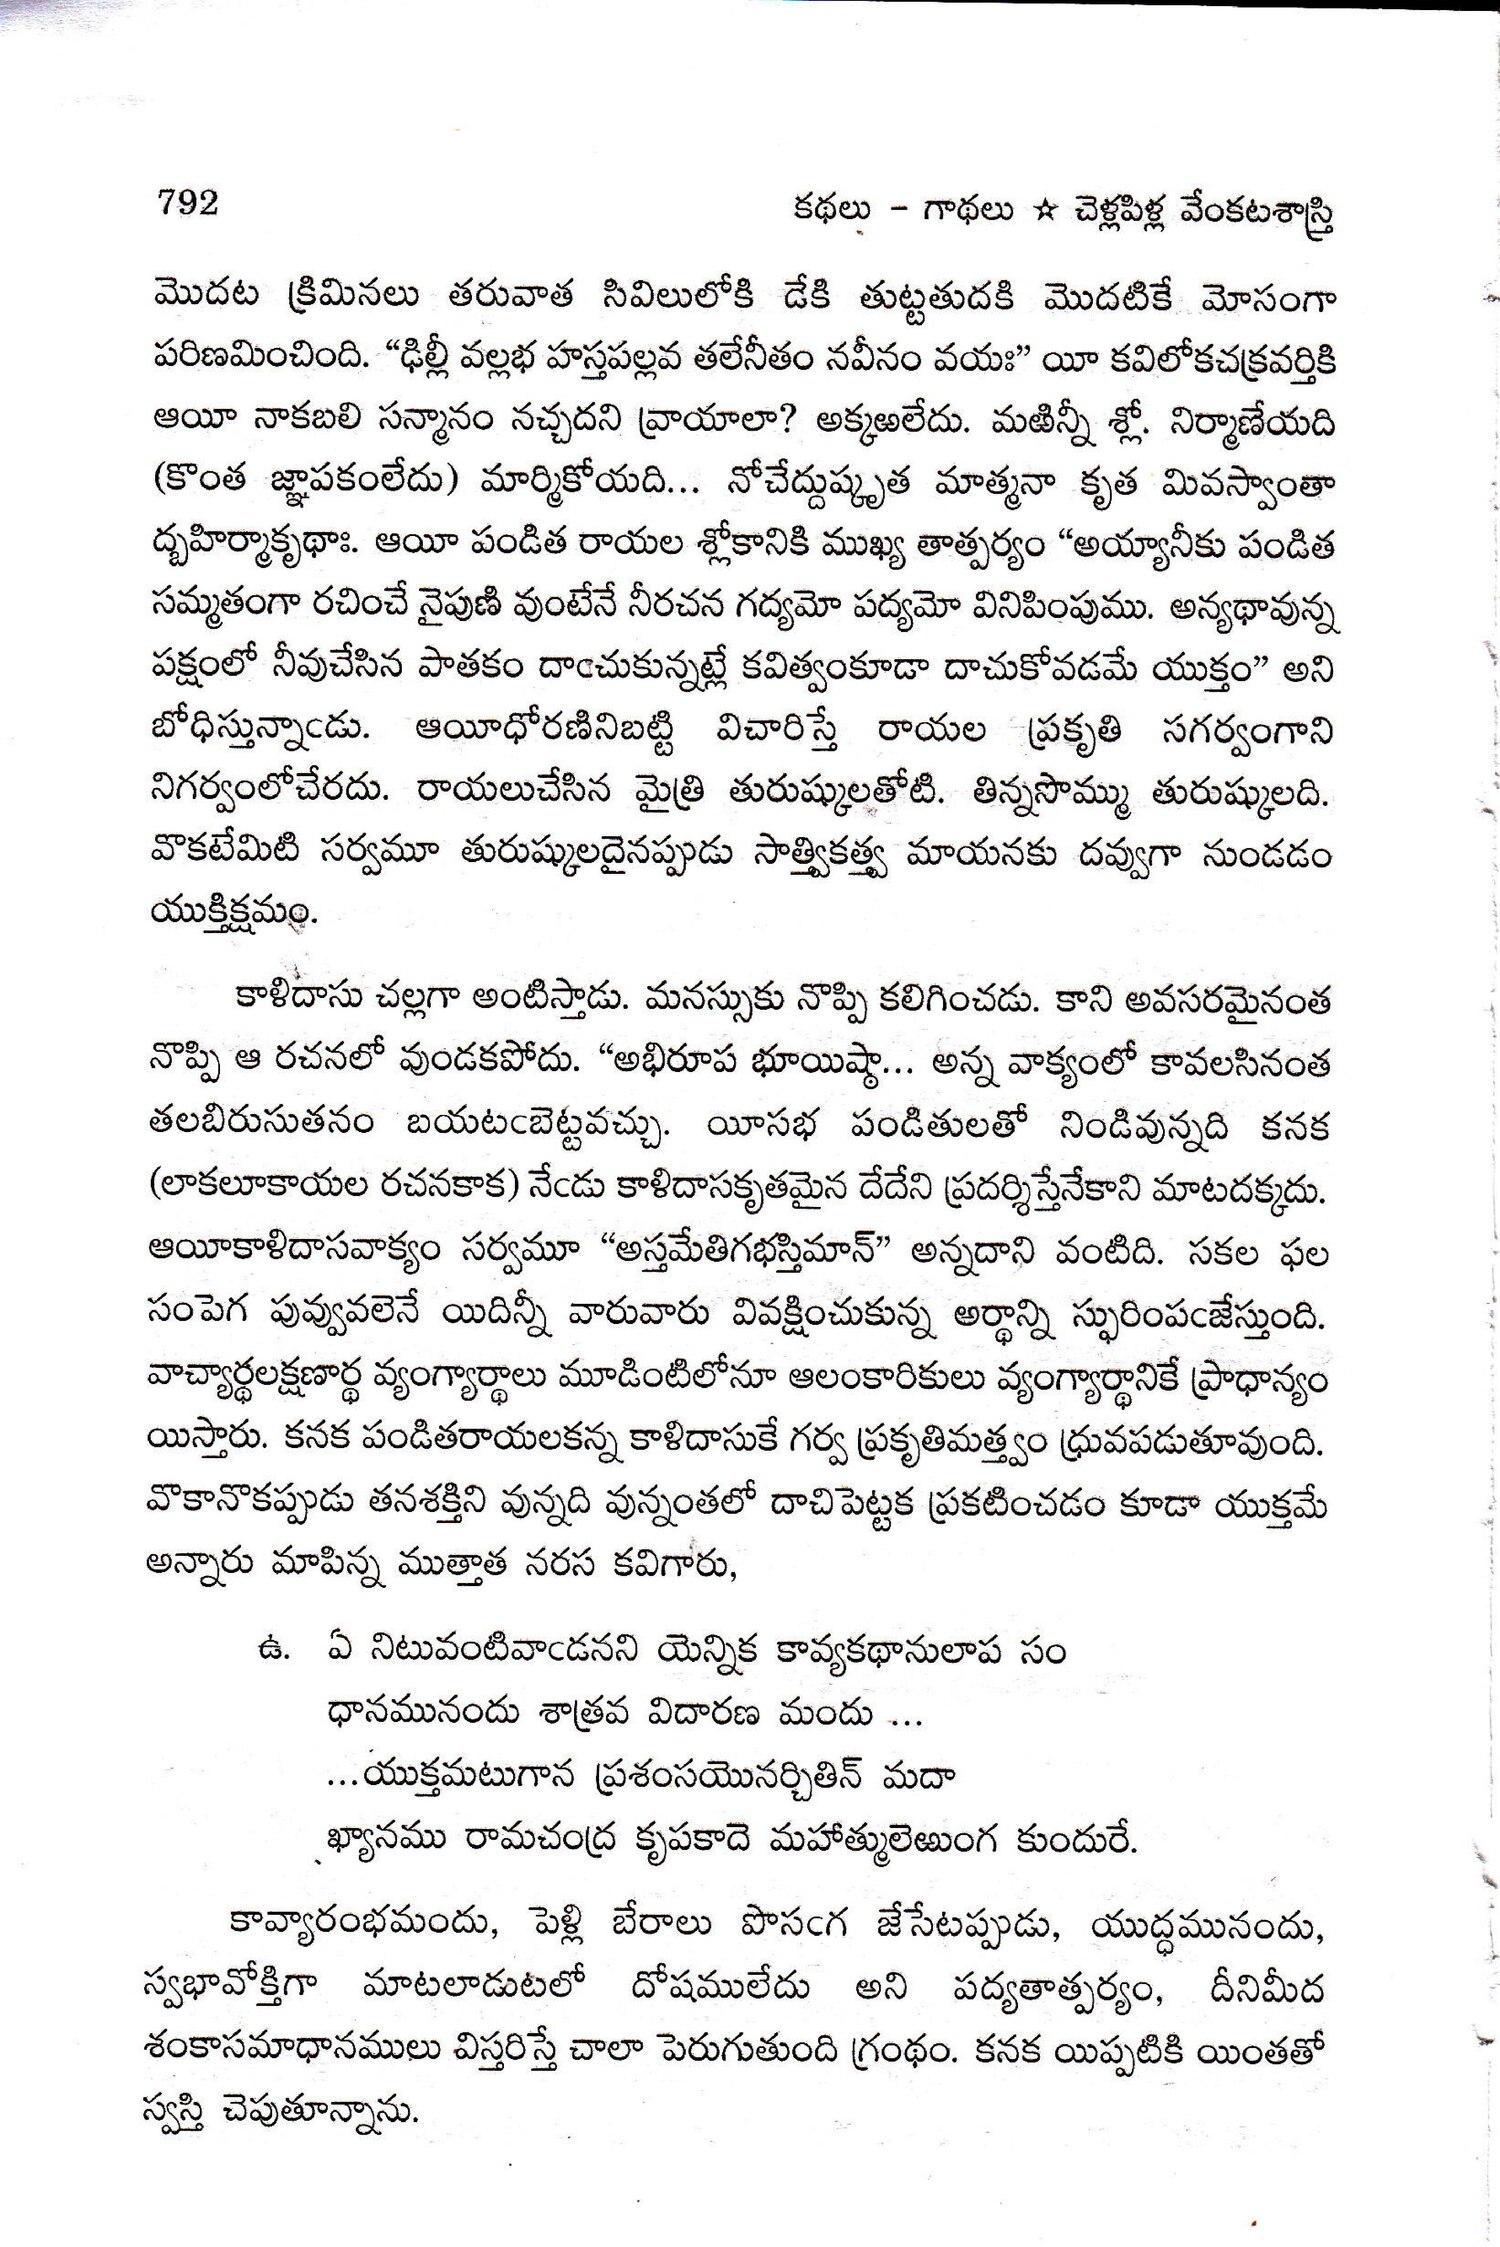మొదట క్రిమినలు తరువాత సివిలులోకి డేకి తుట్టతుదకి మొదటికే మోసంగా పరిణమించింది. “ఢిల్లీ వల్లభ హస్తపల్లవ తలేనీతం నవీనం వయః" యీ కవిలోకచక్రవర్తికి ఆయీ నాకబలి సన్మానం నచ్చదని వ్రాయాలా? అక్కఱలేదు. మఱిన్నీ శ్లో. నిర్మాణేయది (కొంత జ్ఞాపకంలేదు) మార్మికోయది... నోచేద్దుష్కృత మాత్మనా కృత మివస్వాంతా ద్బహిర్మాకృథాః. ఆయీ పండిత రాయల శ్లోకానికి ముఖ్య తాత్పర్యం "అయ్యానీకు పండిత సమ్మతంగా రచించే నైపుణి వుంటేనే నీరచన గద్యమో పద్యమో వినిపింపుము. అన్యథావున్న పక్షంలో నీవుచేసిన పాతకం దాఁచుకున్నట్లే కవిత్వంకూడా దాచుకోవడమే యుక్తం" అని బోధిస్తున్నాఁడు. ఆయీధోరణినిబట్టి విచారిస్తే రాయల ప్రకృతి సగర్వంగాని నిగర్వంలోచేరదు. రాయలుచేసిన మైత్రి తురుష్కులతోటి. తిన్నసొమ్ము తురుష్కులది. వొకటేమిటి సర్వమూ తురుష్కులదైనప్పడు సాత్త్వికత్త్వ మాయనకు దవ్వుగా నుండడం యుక్తిక్షమం. 

కాళిదాసు చల్లగా అంటిస్తాడు. మనస్సుకు నొప్పి కలిగించడు. కాని అవసరమైనంత నొప్పి ఆ రచనలో వుండకపోదు. "అభిరూప భూయిష్ఠా... అన్న వాక్యంలో కావలసినంత తలబిరుసుతనం బయటఁబెట్టవచ్చు. యీసభ పండితులతో నిండివున్నది కనక (లాకలూకాయల రచనకాక) నేఁడు కాళిదాసకృతమైన దేదేని ప్రదర్శిస్తేనేకాని మాటదక్కదు. ఆయీకాళిదాసవాక్యం సర్వమూ “అస్తమేతిగభస్తిమాన్" అన్నదాని వంటిది. సకల ఫల సంపెగ పువ్వువలెనే యిదిన్నీ వారువారు వివక్షించుకున్న అర్ధాన్ని స్ఫురింపఁజేస్తుంది. వాచ్యార్థలక్షణార్థ వ్యంగ్యార్థాలు మూడింటిలోనూ ఆలంకారికులు వ్యంగ్యార్థానికే ప్రాధాన్యం యిస్తారు. కనక పండితరాయలకన్న కాళిదాసుకే గర్వ ప్రకృతిమత్త్వం ధ్రువపడుతూవుంది. వొకానొకప్పుడు తనశక్తిని వున్నది వున్నంతలో దాచిపెట్టక ప్రకటించడం కూడా యుక్తమే అన్నారు మాపిన్న ముత్తాత నరస కవిగారు,

ఉ. ఏ నిటువంటివాఁడనని యెన్నిక కావ్యకథానులాప సం
 ధానమునందు శాత్రవ విదారణ మందు ... 
 ...యుక్తమటుగాన ప్రశంసయొనర్చితిన్ మదా 
 ఖ్యానము రామచంద్ర కృపకాదె మహాత్ములెఱుంగ కుందురే. 
కావ్యారంభమందు, పెళ్లి బేరాలు పొసఁగ జేసేటప్పుడు, యుద్ధమునందు, స్వభావోక్తిగా మాటలాడుటలో దోషములేదు అని పద్యతాత్పర్యం, దీనిమీద శంకాసమాధానములు విస్తరిస్తే చాలా పెరుగుతుంది గ్రంథం. కనక యిప్పటికి యింతతో
స్వస్తి చెపుతున్నాను.